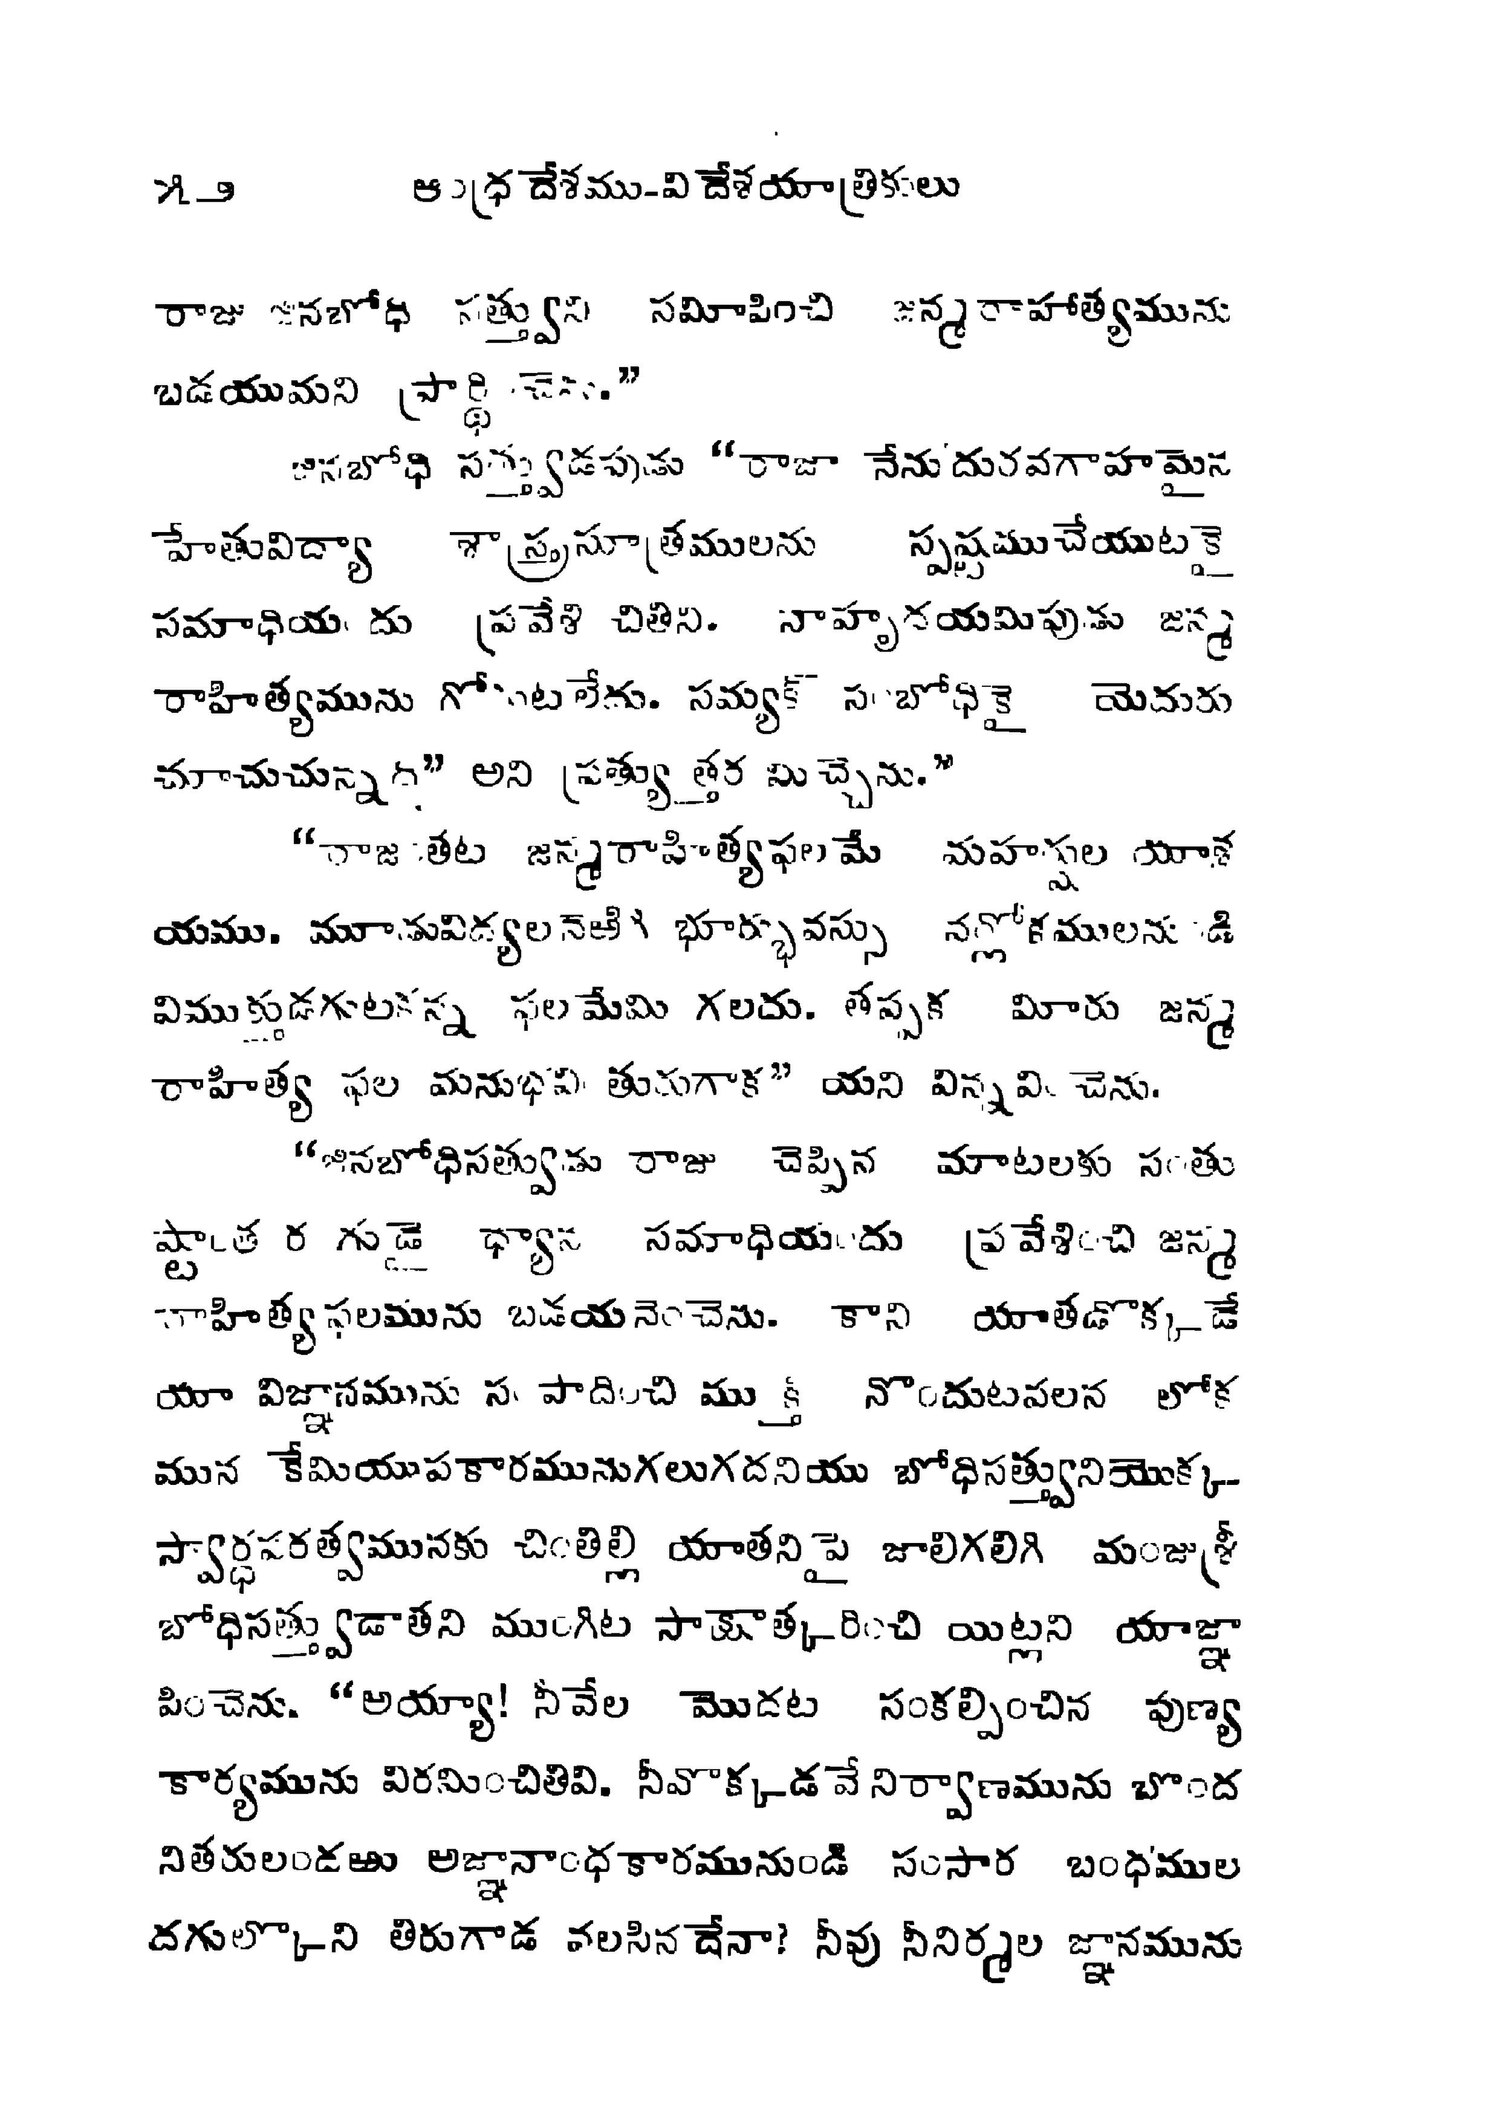రాజు జినబోధి సత్త్వుని సమీపించి జన్మరాహాత్యమును బడయుమని ప్రార్థించెను."

జినబోధి సత్త్వుడపుడు "రాజా నేనుదురవగాహమైన హేతువిద్యా శాస్త్రసూత్రములను స్పష్టముచేయుటకై సమాధియందు ప్రవేశి చితిని. నాహృదయమిపుడు జన్మరాహిత్యమును గోరుటలేదు. సమ్యక్ సంబోధికై యెదురు చూచుచున్నది" అని ప్రత్యుత్తర మిచ్చెను." 

"రాజ తట జన్మరాహిత్యఫలమే మహర్షుల యాశయము. మూడువిద్యలనెఱిగి భూర్భువస్సు నల్లోకములనుండి విముక్తుడగుటకన్న ఫలమేమి గలదు. తప్పక మీరు జన్మరాహిత్య ఫల మనుభవి తురుగాక" యని విన్నవించెను.

"జినబోధిసత్త్వుడు రాజు చెప్పిన మాటలకు సంతుష్టాంత ర గుడై ధ్యాన సమాధియందు ప్రవేశించి జన్మరాహిత్యఫలమును బడయనెంచెను. కాని యాతడొక్కడే యా విజ్ఞానమును సంపాదించి ముక్తి నొందుటవలన లోకమున కేమియుపకారమునుగలుగదనియు బోధిసత్త్వునియొక్క స్వార్ధపరత్వమునకు చింతిల్లి యాతనిపై జాలిగలిగి మంజుశ్రీ బోధిసత్త్వుడాతని ముంగిట సాక్షాత్కరించి యిట్లని యాజ్ఞాపించెను. "అయ్యా! నీవేల మొదట సంకల్పించిన పుణ్యకార్యమును విరమించితివి. నీవొక్కడవే నిర్వాణమును బొంద నితరులందఱు అజ్ఞానాంధకారమునుండి సంసార బంధముల దగుల్కొని తిరుగాడ వలసినదేనా? నీవు నీనిర్మల జ్ఞానమును